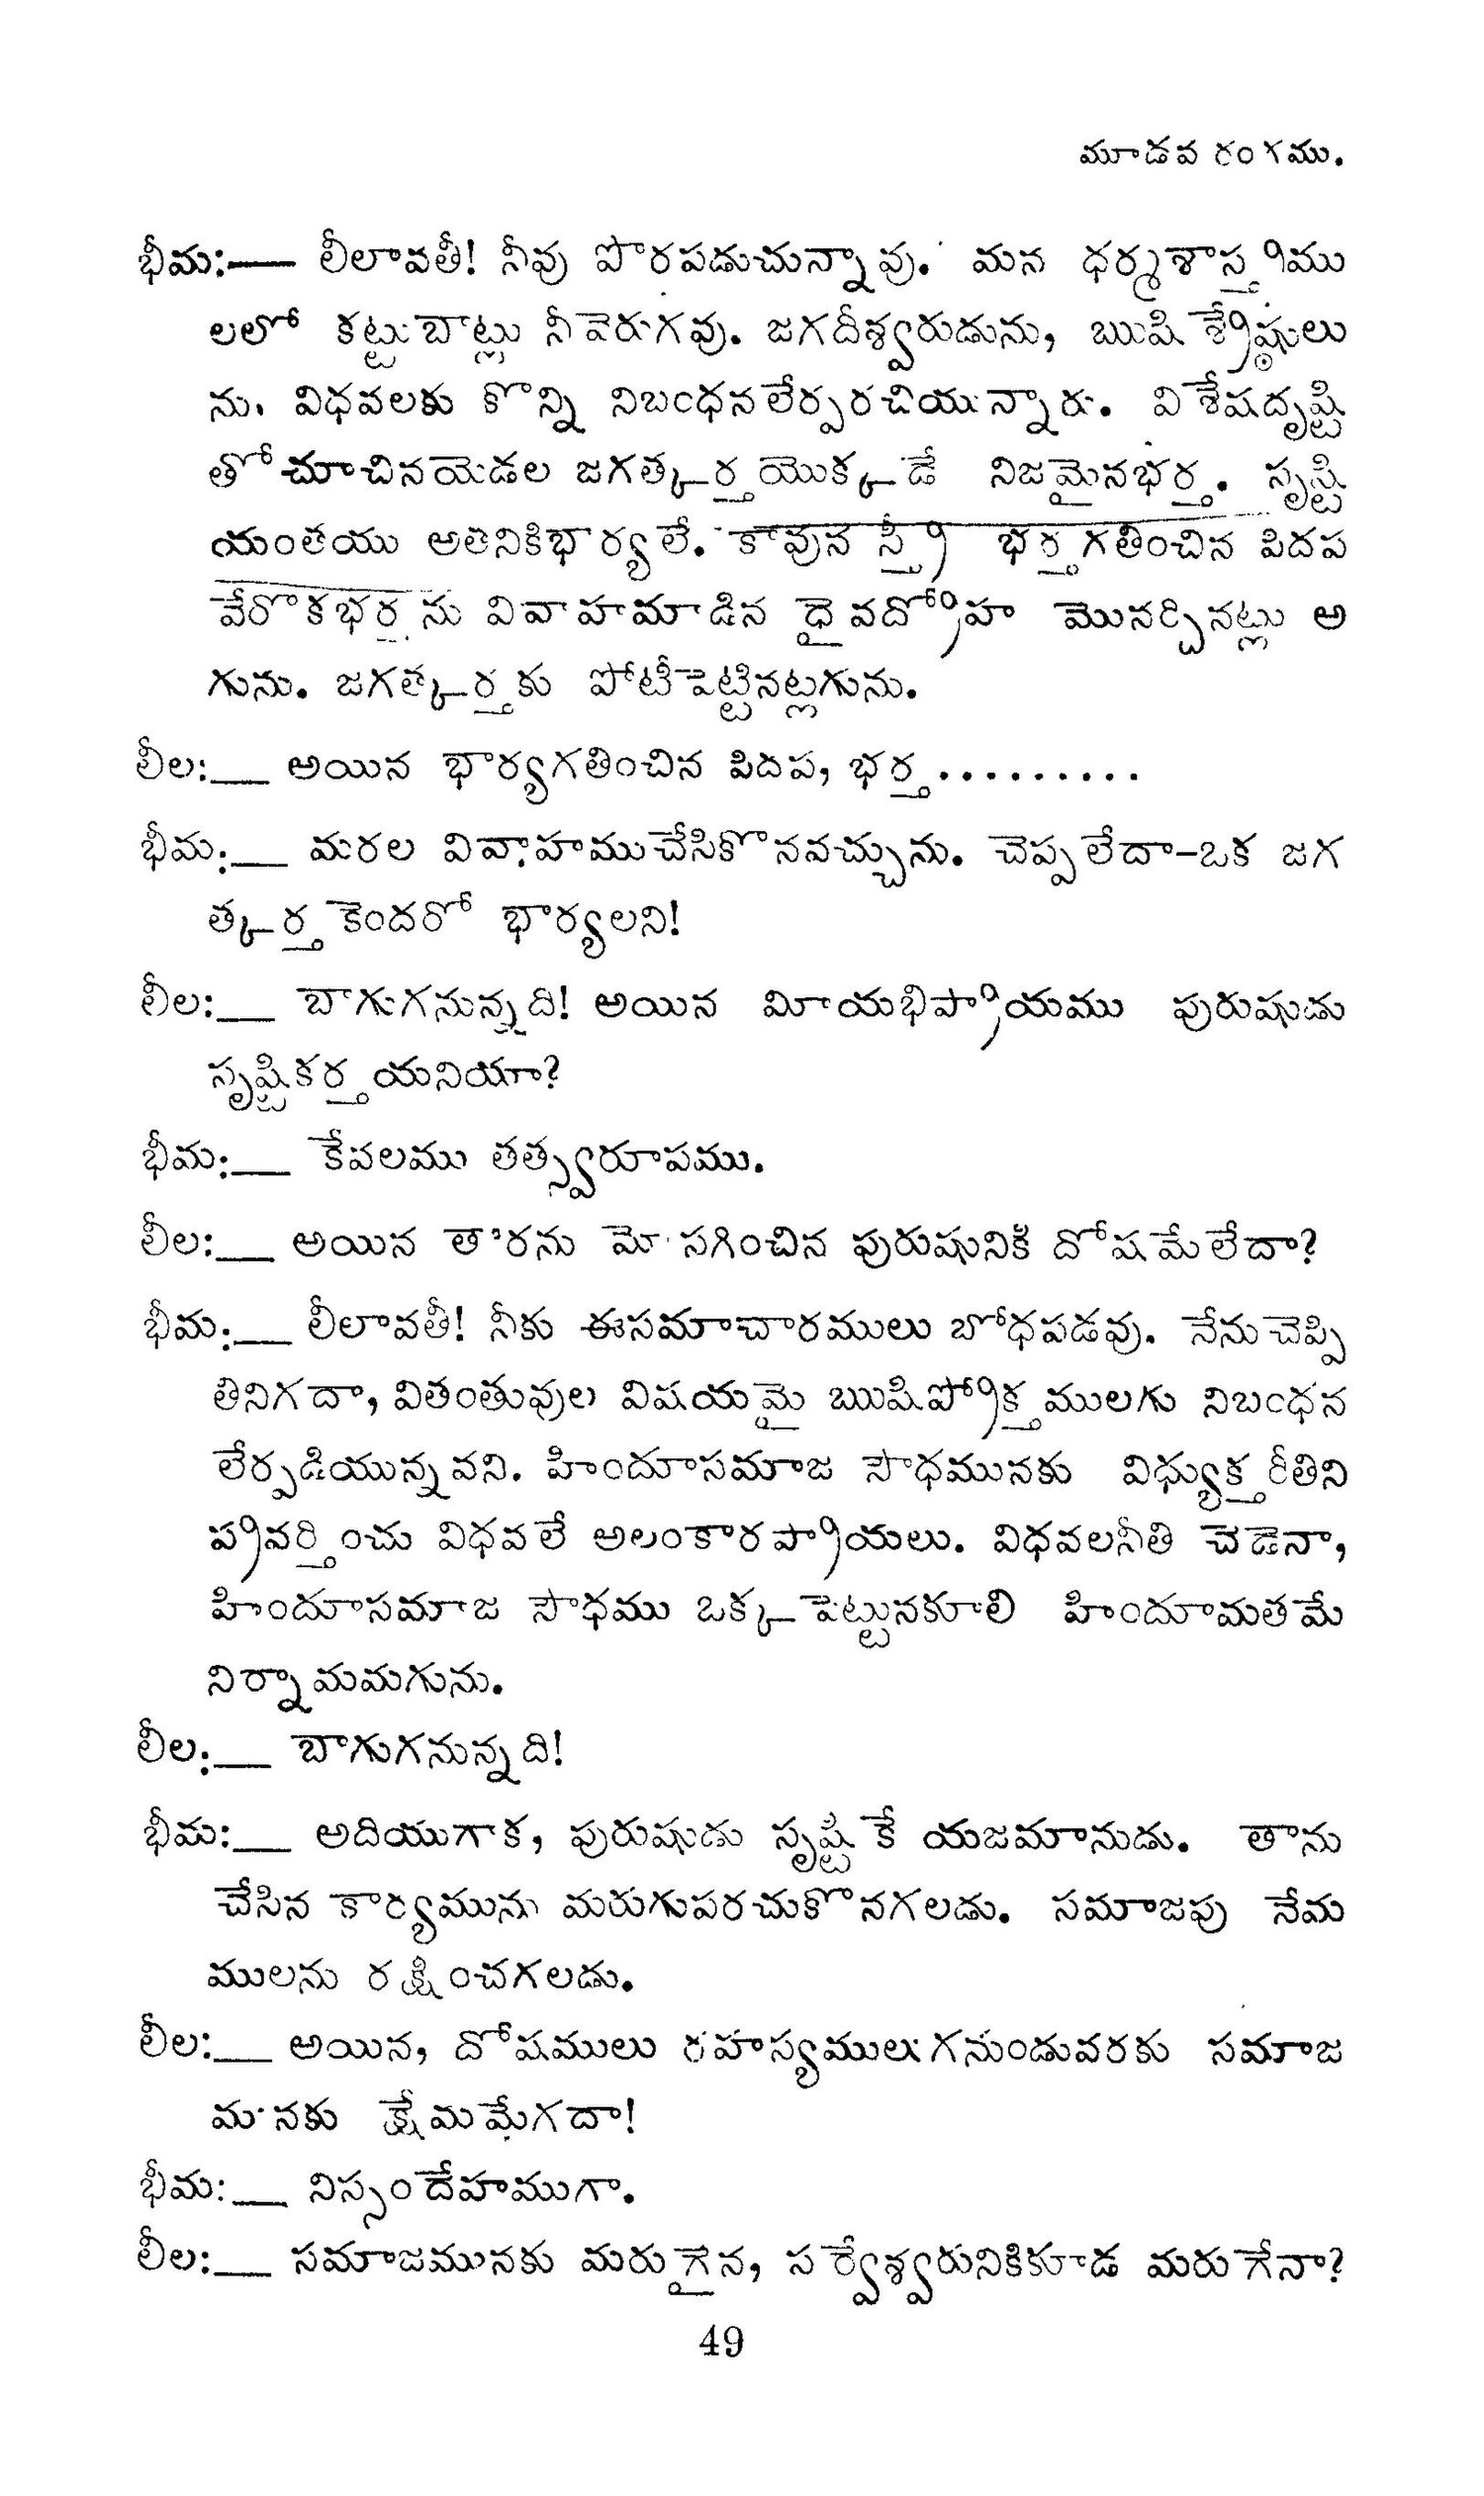భీమ:-లీలావతీ! నీవు పొరబడుతున్నావు. మనధర్మశాస్త్రములలో కట్టుబాట్లు నీవెరుగవు. జగదీశ్చరుడును, ఱుషిశ్రేష్టులును, విధవలకు కొన్ని నబంధనము లేర్పరచి యున్నారు. విశేష దృష్టితో చూచిన యెడల జగత్కర్తయొక్కడే నిజమైన భర్త. సృష్టి యంతయు అతని భార్యలే. కావున స్త్రీ భర్త గతించిన పిదప వేరొకభర్తను వివాహమాడిన దైవద్రోహ మొనర్చినట్లు అగును. జగత్కర్తకు పోటీపెట్టి నట్లగును. 

లీల:- అయిన భార్య గతించిన పిదప భర్త.........

భీమ:-మరల వివాహముచేసు కొనవచ్చును. చెప్పలేదా జగత్కర్త కెందరో భార్యలని!

లీల:-బాగుగనున్నది! అయిన మీయభిప్రాయము పురుషుడు సృష్టికర్త యనియా?

భీమ:-కేవలము తత్స్వ రూపము.

లీల:-అయిన తారను మోసగించిన పురుషునికి దొషమేలేదా?

భీమ:-లీలావతీ! నీకు ఈసమాచారములు బొధపడవు. నేనుచెప్పితిని గదా, వితంతువుల విషయమై ఋషిప్రోక్తములగు నిబంధనము లేర్పడి యున్నవని. హిందూ సమాజసౌధమును విద్యుత్క రీతిని ప్రవర్తించు విధవలే అలంకార ప్రియులు. విధవల నీతిచెడెనా, హిందూసమాజ సౌధము ఒక్కపెట్టున కూలి హిందూమతమే నిర్నామ మగును.

లీల:-బాగుగనున్నది!

భీమ:-అదియుగాక, పురుషుడు సృష్టికే యజమానుడు. తానుచేసిన కార్య్లమును మరుగు పరచు కొనగలడు. సమాజపు నేమములను రక్షించగలడు.

లీల:-అయిన,దోషములు రహస్యములుగ నుండు వరకు సమాజమునకు క్షేమమేగదా!

భీమ:-నిస్సందేహముగా.

లీల:-సమాజమునకు మరుగైన, సర్వేశ్వరునికి గూడ మరుగేనా?